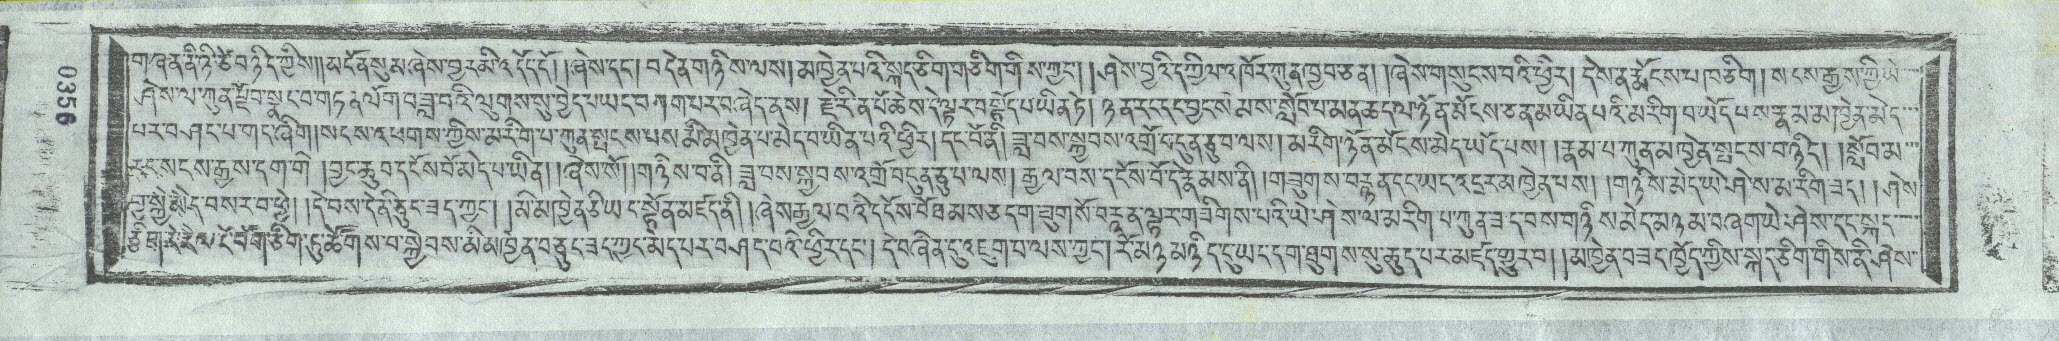གཞན་ནི་ཉི་ཙེ་བ་ཉིད་ཀྱིས། །མངོན་སུམ་ཞེས་བྱར་མི་འདོད་དོ། །ཞེས་དང་། བདེན་གཉིས་ལས། མཁྱེན་པའི་སྐད་ཅིག་གཅིག་གིས་ཀྱང་། །ཤེས་བྱའི་དཀྱིལ་འཁོར་ཀུན་ཁྱབ་ཅན། །ཞེས་གསུངས་བའི་ཕྱིར། དེས་ན་རྨོངས་པ་ཁ་ཅིག། སངས་རྒྱས་ཀྱི་ཡེ་
ཤེས་ལ་ཀུན་རྫོབ་སྣང་བ་གཏན་ལོག་བ་ཟླ་བའི་ལུགས་སུ་བྱེད་པ་ཡང་བཀག་པར་བཞེད་ནས། རྗེ་རིན་པོ་ཆེས་དེ་ལྟར་བསྟོད་པ་ཡིན་ཏེ། ཉན་རང་དང་བྱང་སེམས་སློབ་པ་མན་ཆད་ལ་ཉོན་མོངས་ཅན་མ་ཡིན་པའི་མ་རིག་བ་ཡོད་པས་རྣམ་མཁྱེན་མེད་
པར་བཤང་པ་གང་ཞིག། སངས་འཕགས་ཀྱིས་མ་རིག་པ་ཀུན་སྤངས་པས་མི་མཁྱེན་པ་མེད་བ་ཡིན་པའི་ཕྱིར། དང་བོ་ནི། ཟླ་བས་སྐྱབས་འགྲོ་བདུན་ཅུ་བ་ལས། མ་རིག་ཉོན་མོངས་མེད་ཡོད་པས། །རྣམ་པ་ཀུན་མཁྱེན་སྤངས་བ་ཉིད། །སློབ་མ་
རང་སངས་རྒྱས་དག་གི །བྱང་ཆུབ་དངོས་བོ་མེད་པ་ཡིན། །ཞེས་སོ། །གཉིས་བ་ནི། ཟླ་བས་སྐྱབས་འགྲོ་བདུན་ཅུ་པ་ལས། རྒྱལ་བས་དངོས་བོ་དེ་རྣམས་ནི། །གཟུགས་བརྙན་དང་ཡང་འདྲར་མཁྱེན་པས། །གཉིས་མེད་ཡེ་ཤེས་མ་རིག་ཟད། །ཤེས་
བྱ་སྐྱེ་མེད་བས་ར་བ་ཕྱེ། །དེ་བས་དེ་ནི་ཅུང་ཟད་ཀྱང་། །མི་མཁྱེན་ཅི་ཡང་སྟོན་མཛད་ནི། །ཞེས་རྒྱལ་བའི་དངོས་བོ་ཐམས་ཅད་གཟུག་སོ་བརྙན་ལྟར་གཟིགས་པའི་ཡེ་ཤེས་ལ་མ་རིག་པ་ཀུན་ཟད་བས་གཉིས་མེད་མཉམ་བཞག་ཡེ་ཤེས་དང་སྐད་
ཅིག་རེ་རེལ་ངོ་བོ་གཅིག་ཏུ་ཚོགས་བ་སྐྱེབས་མི་མཁྱེན་བཅུང་ཟད་ཀྱང་མེད་པར་བཤད་པའི་ཕྱིར་དང་། དེ་བཞིན་དུ་འཇུག་བ་ལས་ཀྱང་། རོ་མཉམ་ཉིད་དུ་ཡང་དག་ཐུགས་སུ་ཆུད་པར་མཛད་གྱུར་བ། །མཁྱེན་བཟང་ཁྱོད་ཀྱིས་སྐད་ཅིག་གིས་ནི་ཤེས་